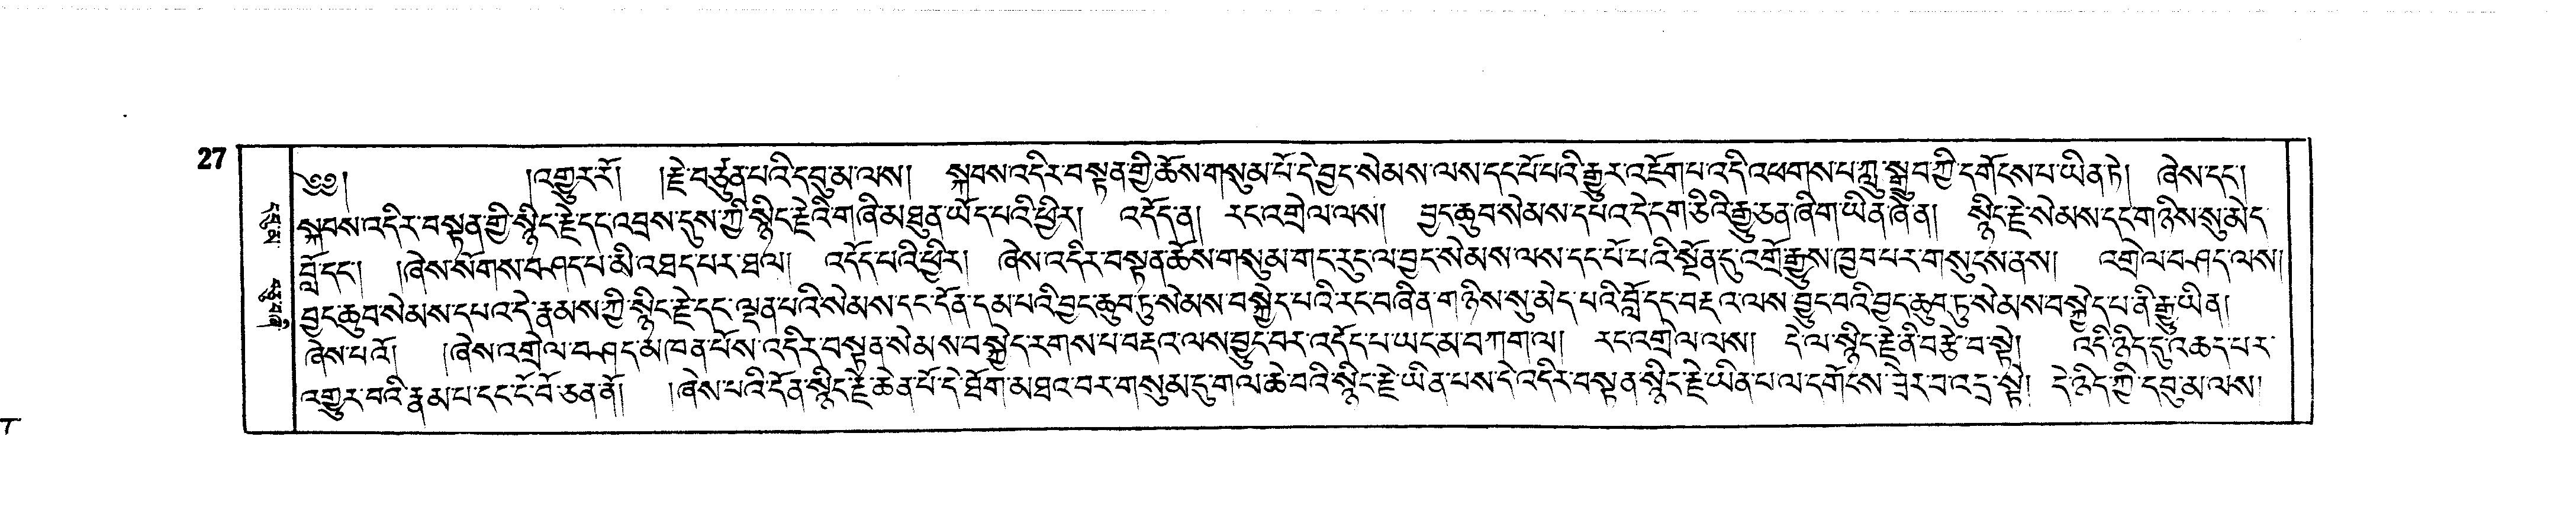༄༅། །འགྱུར་རོ། །རྗེ་བཙུན་པའི་དབུ་མ་ལས། སྐབས་འདིར་བསྟན་གྱི་ཆོས་གསུམ་པོ་དེ་བྱང་སེམས་ལས་དང་པོ་པའི་རྒྱུར་འཇོག་པ་འདི་འཕགས་པ་ཀླུ་སྒྲུབ་ཀྱི་དགོངས་པ་ཡིན་ཏེ། ཞེས་དང་།
སྐབས་འདིར་བསྟན་གྱི་སྙིང་རྗེ་དང་འབྲས་དུས་ཀྱི་སྙིང་རྗེའི་གཞི་མཐུན་ཡོད་པའི་ཕྱིར། འདོད་ན། རང་འགྲེལ་ལས། བྱང་ཆུབ་སེམས་དཔའ་དེ་དག་ཅིའི་རྒྱུ་ཅན་ཞིག་ཡིན་ཞེ་ན། སྙིང་རྗེ་སེམས་དང་གཉིས་སུ་མེད་
བློ་དང་། །ཞེས་སོགས་བཤད་པ་མི་འཐད་པར་ཐལ། འདོད་པའི་ཕྱིར། ཞེས་འདིར་བསྟན་ཆོས་གསུམ་གང་རུང་ལ་བྱང་སེམས་ལས་དང་པོ་པའི་སྔོན་དུ་འགྲོ་རྒྱུས་ཁྱབ་པར་གསུངས་ནས། འགྲེལ་བཤད་ལས།
བྱང་ཆུབ་སེམས་དཔའ་དེ་རྣམས་ཀྱི་སྙིང་རྗེ་དང་ལྡན་པའི་སེམས་དང་དོན་དམ་པའི་བྱང་ཆུབ་ཏུ་སེམས་བསྐྱེད་པའི་རང་བཞིན་གཉིས་སུ་མེད་པའི་བློ་དང་བརྡའ་ལས་བྱུང་བའི་བྱང་ཆུབ་ཏུ་སེམས་བསྐྱེད་པ་ནི་རྒྱུ་ཡིན།
ཞེས་པའོ། །ཞེས་འགྲེལ་བཤད་མཁན་པོས་འདིར་བསྟན་སེམས་བསྐྱེད་རགས་པ་བརྡའ་ལས་བྱུང་བར་འདོད་པ་ཡང་མ་བཀག་ལ། རང་འགྲེལ་ལས། དེ་ལ་སྙིང་རྗེ་ནི་བརྩེ་བ་སྟེ། འདི་ཉིད་དུ་འཆད་པར་
འགྱུར་བའི་རྣམ་པ་དང་ངོ་བོ་ཅན་ནོ། །ཞེས་པའི་དོན་སྙིང་རྗེ་ཆེན་པོ་དེ་ཐོག་མཐའ་བར་གསུམ་དུ་གལ་ཆེ་བའི་སྙིང་རྗེ་ཡིན་པས་དེ་འདིར་བསྟན་སྙིང་རྗེ་ཡིན་པ་ལ་དགོངས་ཟེར་བ་འདྲ་སྟེ། དེ་ཉིད་ཀྱི་དབུ་མ་ལས།